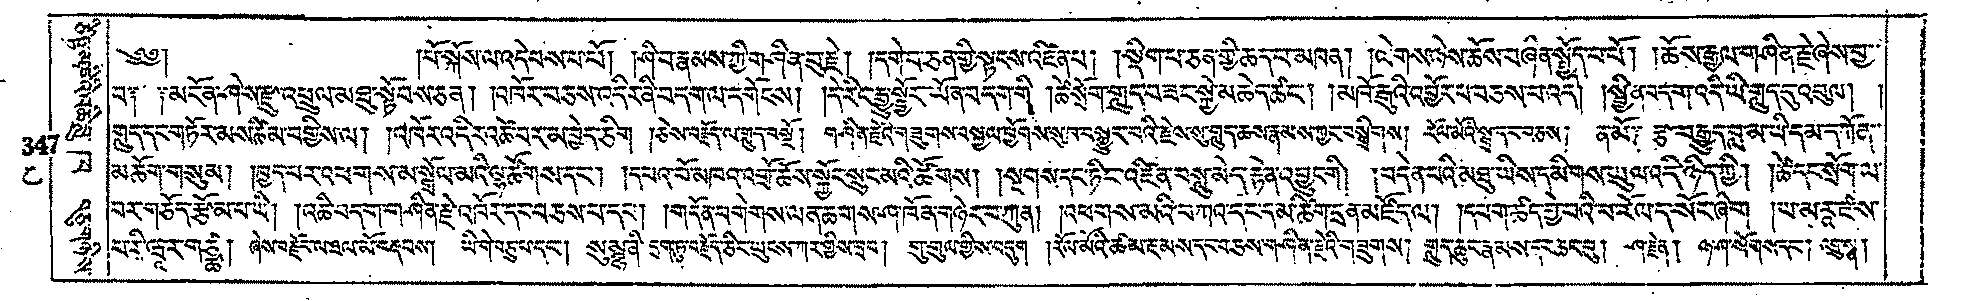༄༅། །པོ་སྐོས་ལ་འདེབས་པ་པོ། །ཤི་བ་རྣམས་ཀྱི་གཤིན་བུ་རྗེ། །དགེ་བ་ཅན་གྱི་སྟངས་འཛིན་པ། །སྡིག་པ་ཅན་གྱི་ཆད་པ་མཁན། །ལེགས་ཉེས་ཆོས་བཞིན་སྤྱོད་པ་པོ། །ཆོས་རྒྱལ་གཤིན་རྗེ་ཞེས་བྱ་་་
བ༑ ༑མངོན་ཤེས་རྫུ་འཕྲུལ་མཐུ་སྟོབས་ཅན། །འཁོར་བཅས་འདིར་ནི་བདག་ལ་དགོངས། །དེ་རིང་རྒྱུ་སྦྱོར་ཡོན་བདག་གི །ཚེ་སྲོག་གླུད་བཟང་སྐྱེ་མཆེད་ཚང་། །མཁོ་རྒྱུའི་འབྱོར་པ་བཅས་པ་འདི། །སྦྱིན་བདག་འདི་ཡི་གླུད་དུ་འབུལ། །
གླུད་དང་གཏོར་མས་ཚིམ་བགྱིས་ལ། །འཁོར་འདིར་འཚེ་བར་མ་བྱེད་ཅིག་།ཅེས་བརྗོད་ལ་གླུད་བསྔོ། གཤིན་རྗེའི་གཟུགས་བསྐྱལ་ཕྱོགས་སུ་ཁ་བསྒྱུར་བའི་རྗེས་སུ་གླུད་ཆས་རྣམས་ཀྱང་བསྒྲིགས། རོལ་མོའི་སྒྲ་དང་བཅས།  ན་མོ༑ རྩ་བརྒྱུད་བླ་མ་ཡི་དམ་དཀོན་་་
མཆོག་གསུམ། །ཁྱད་པར་འཕགས་མ་སྒྲོལ་མའི་ལྷ་ཚོགས་དང་། །དཔའ་བོ་མཁའ་འགྲོ་ཆོས་སྐྱོང་སྲུང་མའི་ཚོགས། །སྔགས་དང་ཏིང་འཛིན་བསླུ་མེད་རྟེན་འབྱུང་གི། །བདེན་པའི་མཐུ་ཡིས་དམིགས་ཡུལ་འདི་ཉིད་ཀྱི། །ཚེ་དང་སྲོག་ལ་
བར་གཅོད་རྩོམ་པ་ཡི། །འཆི་བདག་གཤིན་རྗེ་འཁོར་དང་བཅས་པ་དང་། །གདོན་བགེགས་ལན་ཆགས་ཤ་ཁོན་གཉེར་བ་ཀུན། །འཕགས་མའི་བཀའ་དང་དམ་ཚིག་དྲན་མཛོད་ལ། །དཔག་ཚད་བྱེ་བའི་ཕ་རོལ་ད་སོང་ཞིག །ཡ་མ་རཱ་ཛ་ས་
པ་རི་ཝཱ་ར་གཙྪ། ཞེས་བརྗོད་ལ་ཐལ་མོ་བརྡབས། ཡི་གེ་བཅུ་པ་དང་།  སུམྦྷ་ནི་དྲག་ཏུ་བརྗོད་ཅིང་ཡུངས་ཀར་གྱིས་བྲབ། གུ་གུལ་གྱིས་བདུག །རོལ་མོའི་ཚམ་རྔམས་དང་བཅས་གཤིན་རྗེའི་གཟུགས། གླུད་ཆུང་རྣམས་དང་ཆང་བུ། ཤ་རྗེན། ཉ་ཤ་སོགས་དང་། འབྲུ་སྣ།